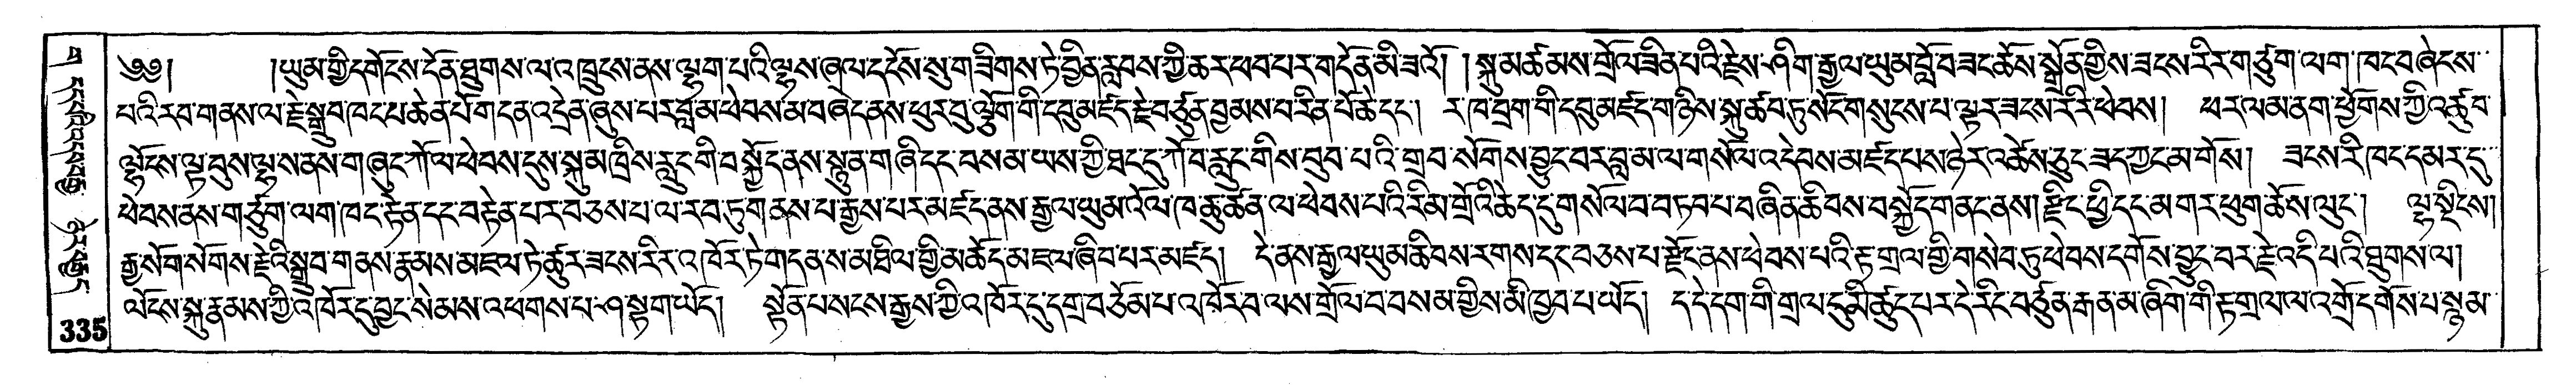༄༅། །ཡུམ་གྱི་དགོངས་དོན་ཐུགས་ལ་འཁྲུངས་ནས་ལྷག་པའི་ལྷས་ཞལ་དངོས་སུ་གཟིགས་ཏེ་བྱིན་རླབས་ཀྱི་ཆར་ཕབ་པར་གདོན་མི་ཟའོ། །སྐུ་མཚམས་གྲོལ་ཟིན་པའི་རྗེས་ཤིག་རྒྱལ་ཡུམ་བློ་བཟང་ཆོས་སྒྲོན་གྱིས་ཟངས་རིར་གཙུག་ལག་ཁང་བཞེངས་
པའི་རབ་གནས་ལ་རྗེ་སྒྲུབ་ཁང་པ་ཆེན་པོ་གདན་འདྲེན་ཞུས་པར་བླ་མ་ཕེབས་མ་བཞེད་ནས་ཕུར་བུ་ལྕོག་གི་དབུ་མཛད་རྗེ་བཙུན་བྱམས་པ་རིན་པོ་ཆེ་དང་། ར་ཁ་བྲག་གི་དབུ་མཛད་གཉིས་སྐུ་ཚབ་ཏུ་སོང་གསུངས་པ་ལྟར་ཟངས་རིར་ཕེབས། ཕར་ལམ་ནག་ཕྱོགས་ཀྱི་འཚུབ་
ལྷོངས་ལྟ་བུས་ལྷས་ནས་གཞུང་ཀོ་ལ་ཕེབས་དུས་སྐུ་མཁྲིས་རླུང་གི་བསྐྱོད་ནས་སྙུན་གཞི་དང་བསམ་ཡས་ཀྱི་ཐད་དུ་ཀོ་བ་རླུང་གིས་བུབ་པའི་གྲབ་སོགས་བྱུང་བར་བླ་མ་ལ་གསོལ་འདེབས་མཛད་པས་ཉེར་འཚེས་ཅུང་ཟད་ཀྱང་མ་གོས། ཟངས་རི་ཁར་དམར་དུ་
ཕེབས་ནས་གཙུག་ལག་ཁང་རྟེན་དང་བརྟེན་པར་བཅས་པ་ལ་རབ་ཏུ་གནས་པ་རྒྱས་པར་མཛད་ནས་རྒྱལ་ཡུམ་འོལ་ཁ་ཆུ་ཆེན་ལ་ཕེབས་པའི་རིམ་གྲོའི་ཆེད་དུ་གསོལ་བ་བཏབ་པ་བཞིན་ཆིབས་བསྐྱོད་གནང་ནས། རྫིང་ཕྱི་དང་མ་གར་ཕུག་ཆོས་ལུང་། ལྷ་སྡིངས།
རྒྱ་སོག་སོགས་རྗེའི་སྒྲུབ་གནས་རྣམས་མཇལ་ཏེ་ཚུར་ཟངས་རིར་འཁོར་ཏེ་གདན་ས་མཐིལ་གྱི་མཆོད་མཇལ་ཞིབ་པར་མཛད། དེ་ནས་རྒྱལ་ཡུམ་ཆིབས་རགས་དང་བཅས་པ་རྫོང་ནས་ཕེབས་པའི་རྟ་གྲལ་གྱི་གསེབ་ཏུ་ཕེབས་དགོས་བྱུང་བར་རྗེ་འདི་པའི་ཐུགས་ལ།
ལོངས་སྐུ་རྣམས་ཀྱི་འཁོར་དུ་བྱང་སེམས་འཕགས་པ་ཤ་སྟག་ཡོད། སྟོན་པ་སངས་རྒྱས་ཀྱི་འཁོར་དུ་དགྲ་བཅོམ་པ་འཁོར་བ་ལས་གྲོལ་བ་བསམ་གྱིས་མི་ཁྱབ་པ་ཡོད། ང་དེ་དག་གི་གྲལ་དུ་མི་ཚུད་པར་དེ་རིང་བཙུན་རྒན་མ་ཞིག་གི་རྟ་གྲལ་ལ་འགྲོ་དགོས་པ་སྙམ་